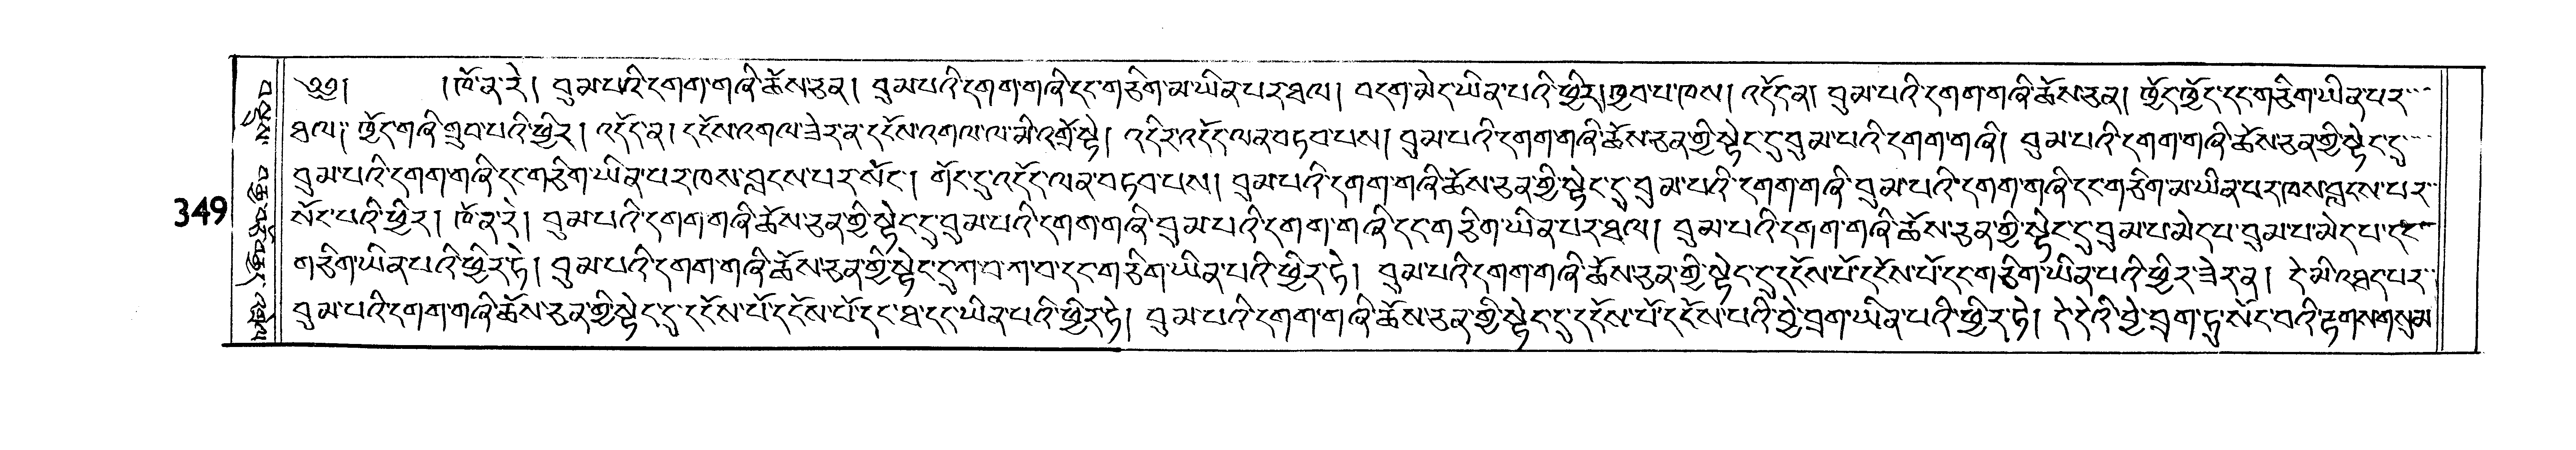༄༅། །ཁོ་ན་རེ། བུམ་པའི་དགག་གཞི་ཆོས་ཅན། བུམ་པའི་དགག་གཞི་དང་གཅིག་མ་ཡིན་པར་ཐལ། བདག་མེད་ཡིན་པའི་ཕྱིར། ཁྱབ་པ་ཁས། འདོད་ན། བུམ་པའི་དགག་གཞི་ཆོས་ཅན། ཁྱོད་ཁྱོད་དང་གཅིག་ཡིན་པར་
ཐལ༑ ཁྱོད་གཞི་གྲུབ་པའི་ཕྱིར། འདོད་ན། དངོས་འགལ་ཟེར་ན་དངོས་འགལ་ལ་མི་འགྲོ་སྟེ། འདིར་འདོད་ལན་བཏབ་པས། བུམ་པའི་དགག་གཞི་ཆོས་ཅན་གྱི་སྟེང་དུ་བུམ་པའི་དགག་གཞི། བུམ་པའི་དགག་གཞི་ཆོས་ཅན་གྱི་སྟེང་དུ་
བུམ་པའི་དགག་གཞི་དང་གཅིག་ཡིན་པར་ཁས་བླངས་པར་སོང་། གོང་དུ་འདོད་ལན་བཏབ་པས། བུམ་པའི་དགག་གཞི་ཆོས་ཅན་གྱི་སྟེང་དུ་བུམ་པའི་དགག་གཞི་བུམ་པའི་དགག་གཞི་དང་གཅིག་མ་ཡིན་པར་ཁས་བླངས་པར་
སོང་པའི་ཕྱིར། ཁོ་ན་རེ། བུམ་པའི་དགག་གཞི་ཆོས་ཅན་གྱི་སྟེང་དུ་བུམ་པའི་དགག་གཞི་བུམ་པའི་དགག་གཞི་དང་གཅིག་ཡིན་པར་ཐལ། བུམ་པའི་དགག་གཞི་ཆོས་ཅན་གྱི་སྟེང་དུ་བུམ་པ་མེད་པ་བུམ་པ་མེད་པ་དང་
གཅིག་ཡིན་པའི་ཕྱིར་ཏེ། བུམ་པའི་དགག་གཞི་ཆོས་ཅན་གྱི་སྟེང་དུ་བ་ཀ་བ་ཀ་བ་དང་གཅིག་ཡིན་པའི་ཕྱིར་ཏེ། བུམ་པའི་དགག་གཞི་ཆོས་ཅན་གྱི་སྟེང་དུ་དངོས་པོ་དང་གཅིག་ཡིན་པའི་ཕྱིར་ཟེར་ན། དེ་མི་འཐད་པར་
བུམ་པའི་དགག་གཞི་ཆོས་ཅན་གྱི་སྟེང་དུ་དངོས་པོ་དངོས་པོ་དང་ཐ་དད་ཡིན་པའི་ཕྱིར་ཏེ། བུམ་པའི་དགག་གཞི་ཆོས་ཅན་གྱི་སྟེང་དུ་དངོས་པོ་དངོས་པོའི་བྱེ་བྲག་ཡིན་པའི་ཕྱིར་ཏེ། དེ་དེའི་བྱེ་བྲག་ཏུ་སོང་བའི་རྟགས་གསུམ་